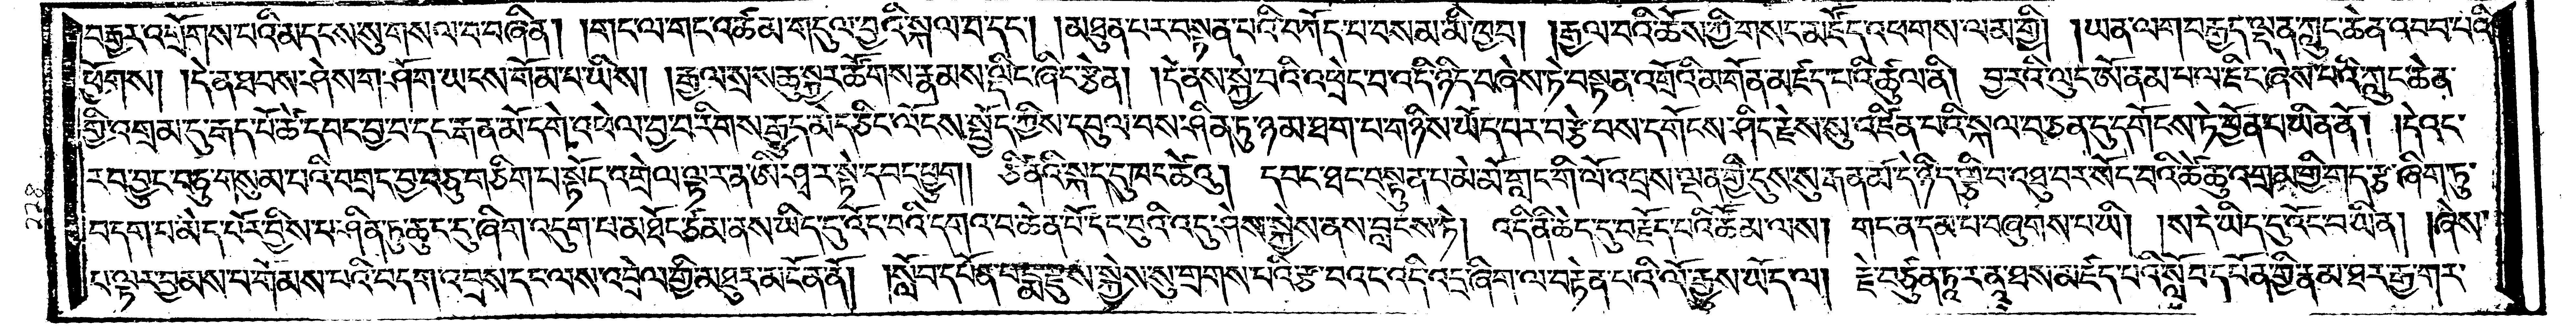བརྒྱར་འགྲོགས་པའི་མདངས་སུ་གསལ་བ་བཞིན། །གང་ལ་གང་འཚམ་གདུལ་བྱའི་སྐལ་བ་དང་། །མཐུན་པར་བསྟན་པའི་བཀོད་པ་བསམ་མི་ཁྱབ། །རྒྱལ་བའི་ཆོས་ཀྱི་གསང་མཛོད་འཕགས་ལམ་གྱི། །ཡན་ལག་བརྒྱད་ལྡན་ཀླུང་ཆེན་འབབ་པའི་
ཕྱོགས། །དེ་ན་ཐབས་ཤེས་གཤོག་ཡངས་གོམ་པ་ཡིས། །རྒྱལ་སྲས་ཆུ་སྐྱར་ཚོགས་རྣམས་ལྡིང་ཞིང་རྩེན། །དེ་ནས་སྐྱེ་བའི་འཕྲེང་བ་འདི་ཉིད་བཞེས་ཏེ་བསྟན་འགྲོའི་མགོན་མཛད་པའི་ཚུལ་ནི། བྱ་རའི་ལུང་ཨོ་ནམ་པ་ལ་ཇིང་ཞེས་པའི་ལུང་ཆེན་
གྱི་འགྲམ་དུ་རྒད་པོ་ཚེ་དབང་བྱ་བ་དང་རྒན་མོ་དགེ་འཕེལ་བྱ་བ་རིགས་རྒྱུད་མེད་ཅིང་ལོངས་སྤྱོད་ཀྱིས་དབུལ་བས་ཤིན་ཏུ་ཉམ་ཐག་པ་གཉིས་ཡོད་པར་བརྩེ་བས་དགོངས་ཤིང་རྗེས་སུ་འཛིན་པའི་སྐལ་བཅན་དུ་དགོངས་ཏེ་བྱོན་པ་ཡིན་ནོ། །དེའང་
རབ་བྱུང་བཅུ་གསུམ་པའི་འགྲང་བྱ་བཅུ་གཅིག་པ་སྟོད་འགྲེལ་ལྟར་ན་ཨི་ཤྭར་སྟེ་དབང་ཕྱུག། ཅི་ནའི་སྐད་དུ་ཁང་ཚེའུ། དབང་ཐང་བསྟུན་པ་མེ་མོ་གླང་གི་ལོ་འབྲས་ལྡན་གྱི་དུས་སུ་རྒན་མ་དེ་ཉིད་ལྕི་བ་འཐུ་བར་སོང་བའི་ཚེ་ཆུ་འགྲམ་གྱི་གད་རྩ་ཞིག་ཏུ་
བདག་པ་མེད་པོར་བྱིས་པ་ཤིན་ཏུ་ཆུང་ངུ་ཞིག་འདུག་པ་མཐོང་ཙམ་ནས་ཡིད་དུ་འོང་བའི་དགའ་བ་ཆེན་པོ་དང་བུའི་འདུ་ཤེས་སྐྱེས་ནས་བླངས་ཏེ། འདི་ནི་ཆེད་དུ་བརྗོད་པའི་ཚོམ་ལས། གང་ན་དམ་པ་བཞུགས་པ་ཡི། ས་དེ་ཡིད་དུའོང་བ་ཡིན། །ཞེས་
བ་ལྟར་བྱམས་པ་གོམས་པའི་བདག་འབྲས་དང་ལས་འབྲེལ་གྱི་མཐུན་མངོན་ནོ། །སློབ་དཔོན་པདམ་རྫུས་སྐྱེས་སུ་གྲགས་པའི་རྩ་བའང་འདི་འདྲ་ཞིག་ལ་བརྟེན་པའི་ལོ་རྒྱུས་ཡོད་ལ། རྗེ་བཙུན་ཏཱ་ར་ནཱ་ཐས་མཛད་པའི་སློབ་དཔོན་གྱི་རྣམ་ཐར་རྒྱ་གར་